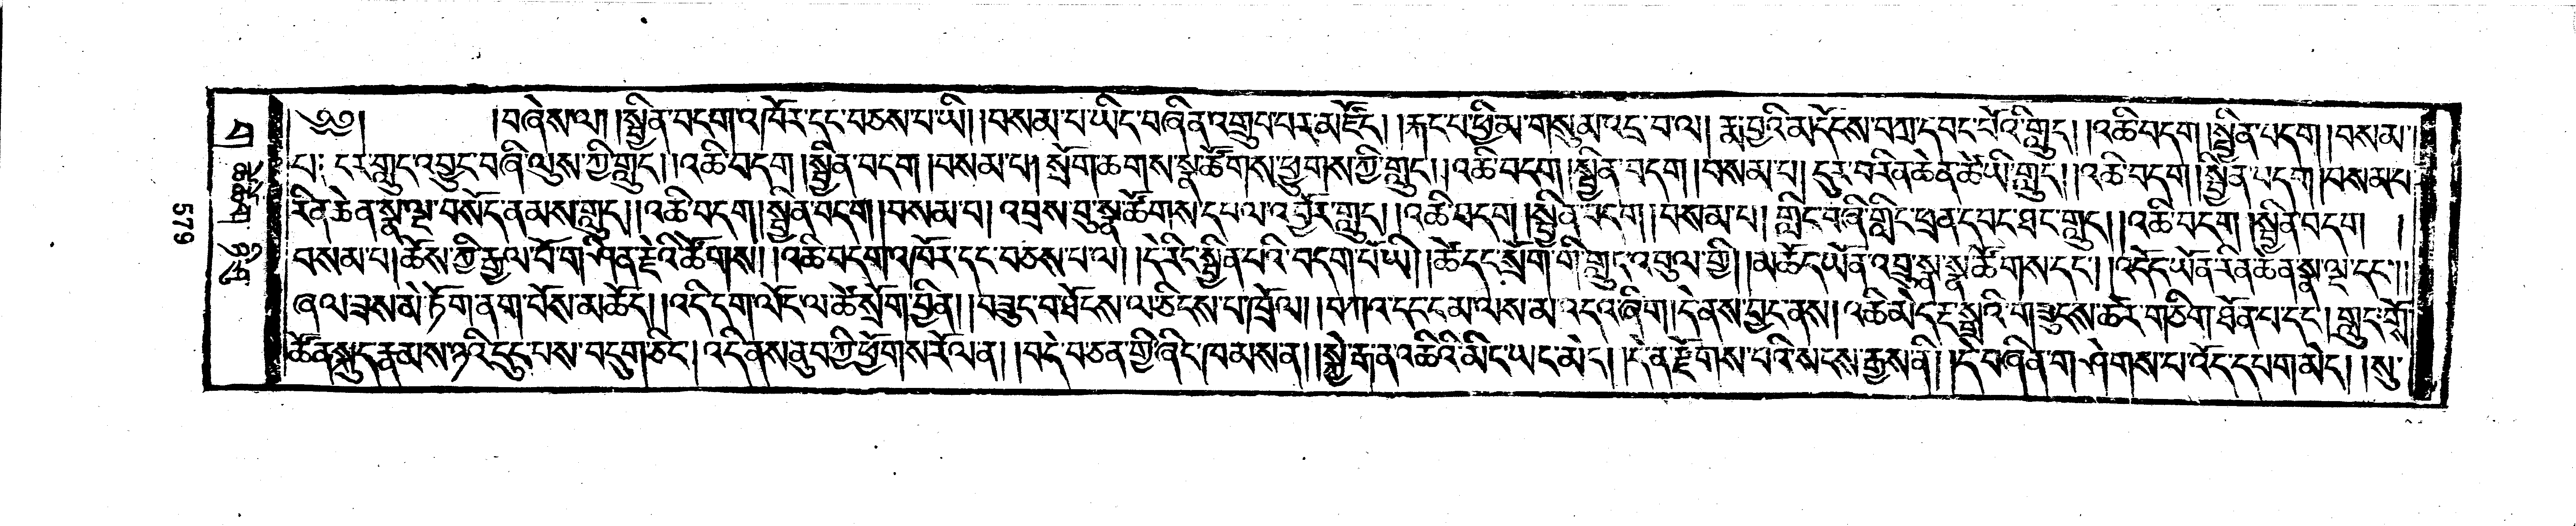༄༅། །བཞེས་ལ། །སྦྱིན་བདག་འཁོར་དང་བཅས་པ་ཡི། །བསམ་པ་ཡིད་བཞིན་འགྲུབ་པར་མཛོད། །རྐང་པ་ཕྱི་མ་གསུམ་འདྲ་བ་ལ། རྨ་བྱའི་མདོངས་བཀྲ་དབང་པོའི་གླུད། །འཆི་བདག །སྦྱིན་བདག །བསམ་
པ༑ ངར་གླུད་འབྱུང་བཞི་ལུས་ཀྱི་གླུད། །འཆི་བདག །སྦྱིན་བདག །བསམ་པ། སྲོག་ཆགས་སྣ་ཚོགས་ཕྱུགས་ཀྱི་གླུད། །འཆི་བདག །སྦྱིན་བདག །བསམ་པ། དུར་བ་རིན་ཆེན་ཚེ་ཡི་གླུད། །འཆི་བདག །སྦྱིན་བདག །བསམ་པ་
རིན་ཆེན་སྣ་ལྔ་བསོད་ནམས་གླུད། །འཆི་བདག །སྦྱིན་བདག །བསམ་པ། འབྲས་བུ་སྣ་ཚོགས་དཔལ་འབྱོར་གླུད། །འཆི་བདག །སྦྱིན་བདག །བསམ་པ། གླིང་བཞི་གླིང་ཕྲན་དབང་ཐང་གླུད། །འཆི་བདག །སྦྱིན་བདག །
བསམ་པ། ཆོས་ཀྱི་རྒྱལ་པོ་གཤིན་རྗེའི་ཚོགས། །འཆི་བདག་འཁོར་དང་བཅས་པ་ལ། །དེ་རིང་སྦྱིན་པའི་བདག་པོ་ཡི། །ཚེ་དང་སྲོག་གི་གླུད་འབུལ་གྱི། །མཆོད་ཡོན་འབྲུ་སྣ་སྣ་ཚོགས་དང་། །འདོད་ཡོན་རིན་ཆེན་སྣ་ལྔ་དང་། །
ཞལ་ཟས་མེ་ཏོག་ནག་པོས་མཆོད། །འདི་དག་ལོང་ལ་ཚེ་སྲོག་བྱིན། །བཟུང་བ་ཐོངས་ལ་ཅིངས་པ་ཁྲོལ། །བཀའ་དང་དམ་ལས་མ་འདའ་ཞིག །དེ་ནས་བྱང་ནས། འཆི་མེད་རྔ་སྒྲའི་གཟུངས་ཚར་གཅིག་ཐོན་པ་དང་། གླུད་གོས་
ཚོན་སྐུད་རྣམས་ཉའི་དུད་པས་བདུག་ཅིང་། འདི་ནས་ནུབ་ཀྱི་ཕྱོགས་རོལ་ན། །བདེ་བ་ཅན་གྱི་ཞིང་ཁམས་ན། །སྐྱེ་རྒ་ན་འཆིའི་མིང་ཡང་མེད། །དེ་ན་རྫོགས་པའི་སངས་རྒྱས་ནི། །དེ་བཞིན་གཤེགས་པ་འོད་དཔག་མེད། །སུ་